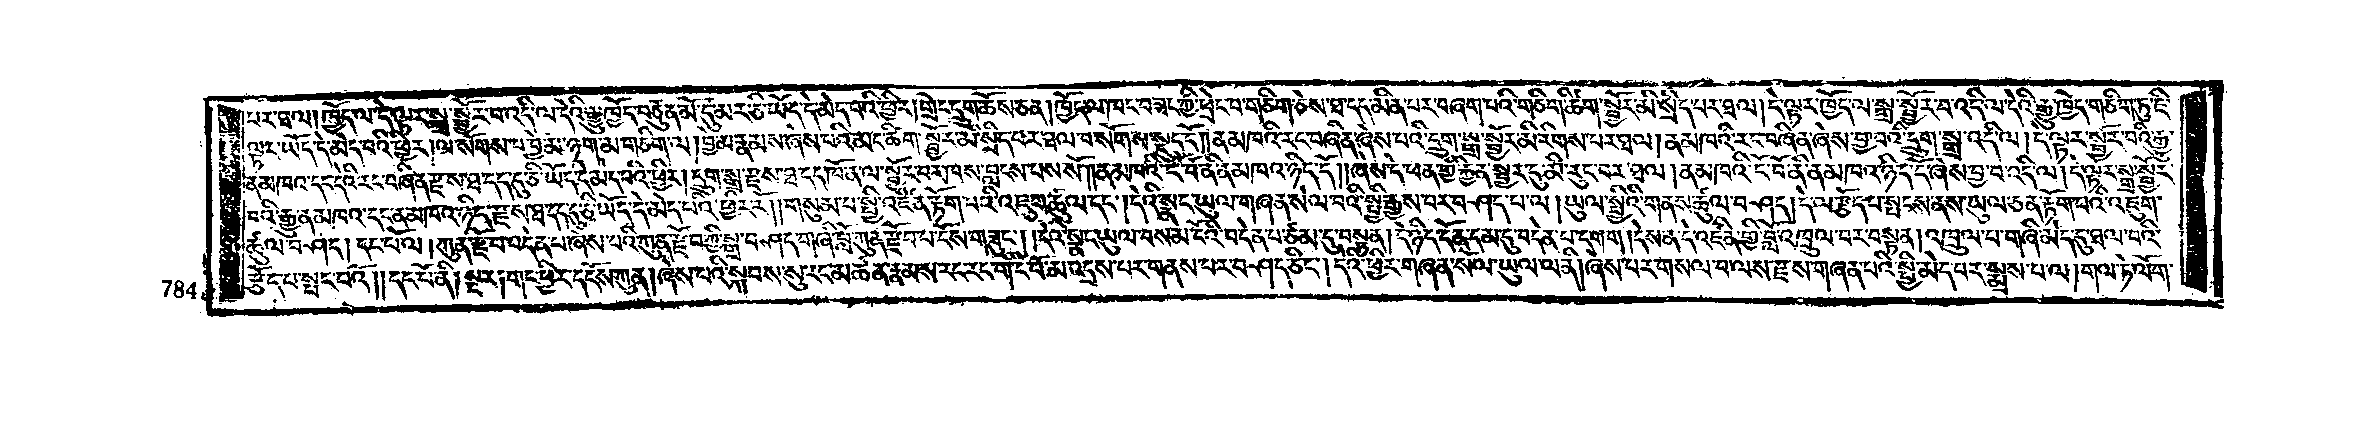པར་ཐལ། ཁྱོད་ལ་དེ་ལྟར་སྒྲ་སྦྱོར་བ་འདི་ལ་དེའི་རྒྱུ་ཁྱོད་བཙུན་མོ་དུ་མར་ཅི་ཡོད་དེ་མེད་པའི་ཕྱིར། གྲོང་དྲུག་ཆོས་ཅན། ཁྱོད་ལ་ཁང་བཟང་ཀྱི་ཕྲེང་བ་གཅིག་ཅེས་ཐ་དད་མིན་པར་བཞག་པའི་གཅིག་ཚིག་སྦྱོར་མི་སྲིད་པར་ཐལ། དེ་ལྟར་ཁྱོད་ལ་སྒྲ་སྦྱོར་བ་འདི་ལ་དེའི་རྒྱུ་ཁྱེད་གཅིག་ཏུ་ཇི་
ལྟར་ཡོད་དེ་མེད་པའི་ཕྱིར། ལ་སོགས་པ་བྱེ་མ་ཉག་མ་གཅིག་ལ། བྱེ་མ་རྣམས་ཞེས་པའི་མང་ཚིག་སྦྱོར་མི་སྲིད་པར་ཐལ་བ་སོགས་སྡུད་དོ། །ནམ་མཁའི་རང་བཞིན་ཞེས་པའི་དྲུག་སྒྲ་སྦྱོར་མི་རིགས་པར་ཐལ། ནམ་མཁའི་རང་བཞིན་ཞེས་བྱ་བའི་དྲུག་སྒྲ་འདི་ལ། དེ་ལྟར་སྦྱོར་བའི་རྒྱུ་
ནམ་མཁའ་དང་དེའི་རང་བཞིན་རྫས་ཐ་དད་དུ་ཅི་ཡོད་དེ་མེད་པའི་ཕྱིར། དྲུག་སྒྲ་རྫས་ཐ་དད་ཁོ་ན་ལ་སྦྱོར་བར་ཁས་བླངས་པས་སོ། །ནམ་མཁའི་ངོ་བོ་ནི་ནམ་མཁའ་ཉིད་དོ། །ཞེས་དེ་ཕན་གྱི་རྐྱེན་སྦྱར་དུ་མི་རུང་བར་ཐལ། ནམ་མཁའི་ངོ་བོ་ནི་ནམ་མཁའ་ཉིད་དོ་ཞེས་བྱ་བ་འདི་ལ། དེ་ལྟར་སྒྲ་སྦྱོར་
བའི་རྒྱུ་ནམ་མཁའ་དང་ནམ་མཁའ་ཉིད་རྫས་ཐ་དད་དུ་ཅི་ཡོད་དེ་མེད་པའི་ཕྱིར་རོ། །གསུམ་པ་སྤྱི་འཛིན་རྟོག་པའི་འཇུག་ཚུལ་དང་། དེའི་སྣང་ཡུལ་གཞན་སེལ་བའི་སྤྱི་རྒྱས་པར་བཤད་པ་ལ། ཡུལ་སྤྱིའི་གནས་ཚུལ་བཤད། དེ་ལ་རྩོད་པ་སྤངས་ནས་ཡུལ་ཅན་རྟོག་པའི་འཇུག་
ཚུལ་བཤད། དང་པོ་ལ། ཀུན་རྫོབ་བདེན་པ་ཞེས་པའི་ཀུན་རྫོབ་ཀྱི་སྒྲ་བཤད་གཞི་བློ་ཀུན་རྫོབ་པ་ངོས་གཟུང་། །དེའི་སྣང་ཡུལ་བསམ་ངོའི་བདེན་པ་ཙམ་དུ་བསྟན། དེ་ཉིད་དོན་དམ་དུ་བདེན་པ་དག་གི །དེས་ན་དེ་འཛིན་གྱི་བློ་འཁྲུལ་བར་བསྟན། འཁྲུལ་པ་གཞི་མེད་དུ་ཐལ་བའི་
རྩོད་པ་སྤང་པའོ། །དང་པོ་ནི། སྔར། གང་ཕྱིར་དངོས་ཀུན། ཞེས་པའི་སྐབས་སུ་རང་མཚན་རྣམས་རང་རང་གི་ངོ་བོ་མ་འདྲེས་པར་གནས་པར་བཤད་ཅིང་། དེའི་ཕྱིར་གཞན་སོལ་ཡུལ་ལ་ནི། ཞེས་པར་གསལ་བ་ལས་རྫས་གཞན་པའི་སྤྱི་མེད་པར་སྨྲས་པ་ལ། གལ་ཏེ་ལོག་